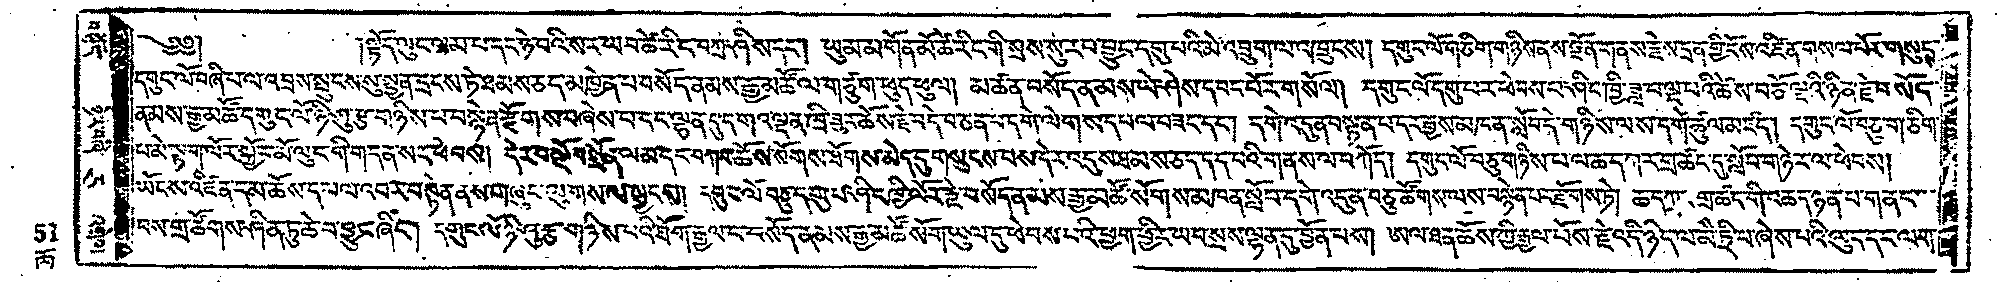༄༅། །སྟོད་ལུང་ལམ་པ་དང་ཉེ་བའི་སར་ཡབ་ཚེ་རིང་བཀྲ་ཤིས་དང་། ཡུམ་མགོན་མོ་ཚེ་རིང་གི་སྲས་སུ་རབ་བྱུང་དགུ་པའི་མེ་འབྲུག་ལ་འཁྲུངས། དགུང་ལོ་གཅིག་གཉིས་ནས་སྔོན་གནས་རྗེས་དྲན་གྱི་ངོས་འཛིན་གསལ་པོར་གསུངས་
དགུང་ལོ་བཞི་པ་ལ་འབྲས་སྤུངས་སུ་སྤྱན་དྲངས་ཏེ་ཐམས་ཅད་མཁྱེན་པ་བསོད་ནམས་རྒྱ་མཚོ་ལ་གཙུག་ཕུད་ཕུལ། མཚན་བསོད་ནམས་ཡེ་ཤེས་དབང་པོར་གསོལ། དགུང་ལོ་དགུ་པར་ཕེབས་པ་ཤིང་ཁྱི་ཟླ་བ་ལྔ་པའི་ཚེས་བཅོ་ལྔའི་ཉིན་རྗེ་བསོད་
ནམས་རྒྱ་མཚོ་དགུང་ལོ་ཉི་ཤུ་རྩ་གཉིས་པ་བསྙེན་རྫོགས་བཞེས་པ་དང་ལྷན་དུ་དགའ་ལྡན་ཁྲི་ཟུར་ཆོས་རྗེ་བདེ་བ་ཅན་པ་དགེ་ལེགས་དཔལ་བཟང་དང་། དགེ་འདུན་བསྟན་པ་དར་རྒྱས་མཁན་སློབ་དེ་གཉིས་ལས་དགེ་ཚུལ་མཛད། དགུང་ལོ་བཅུ་གཅིག་
པ་མེ་སྟག་ལོར་སྐྱོར་མོ་ལུང་གི་གདན་སར་ཕེབས། དེར་བསྔོ་བ་སྨོན་ལམ་དང་བཀའ་ཆོས་སོགས་ཐོགས་མེད་དུ་གསུངས་པས་དེར་འདུས་ཐམས་ཅད་དད་པའི་གནས་ལ་བཀོད། དགུང་ལོ་བཅུ་གཉིས་པ་ལ་ཆ་དཀར་གྲ་ཚང་དུ་སློབ་གཉེར་ལ་ཕེབས།
ཡོངས་འཛིན་དམ་ཆོས་དཔལ་འབར་བསྟེན་ནས་གཞུང་ལུགས་ལ་སྦྱངས། དགུང་ལོ་བཅུ་དགུ་པ་ཤིང་ཁྱི་ལོར་རྗེ་བསོད་ནམས་རྒྱ་མཚོ་སོགས་མཁན་སློབ་དགེ་འདུན་བཅུ་ཚོགས་ལས་བསྙེན་པར་རྫོགས་ཏེ། ཆ་དཀར་གྲ་ཚང་གི་འཆད་ཉན་པ་གནང་
བས་གྲ་ཚོགས་ཤིན་ཏུ་ཆེ་བ་བྱུང་ཞིང་། དགུང་ལོ་ཉི་ཤུ་རྩ་གཉིས་པའི་ཐོག་རྒྱལ་བ་བསོད་ནམས་རྒྱ་མཚོ་སོག་ཡུལ་དུ་ཕེབས་པའི་ཕྱག་ཕྱིར་ཡབ་སྲས་ལྷན་དུ་བྱོན་པས། ཨལ་ཐན་ཆོས་ཀྱི་རྒྱལ་པོས་རྗེ་འདི་ཉིད་ལ་མཻ་ཏྲི་པ་ཞེས་པའི་ལུང་དང་ལག་